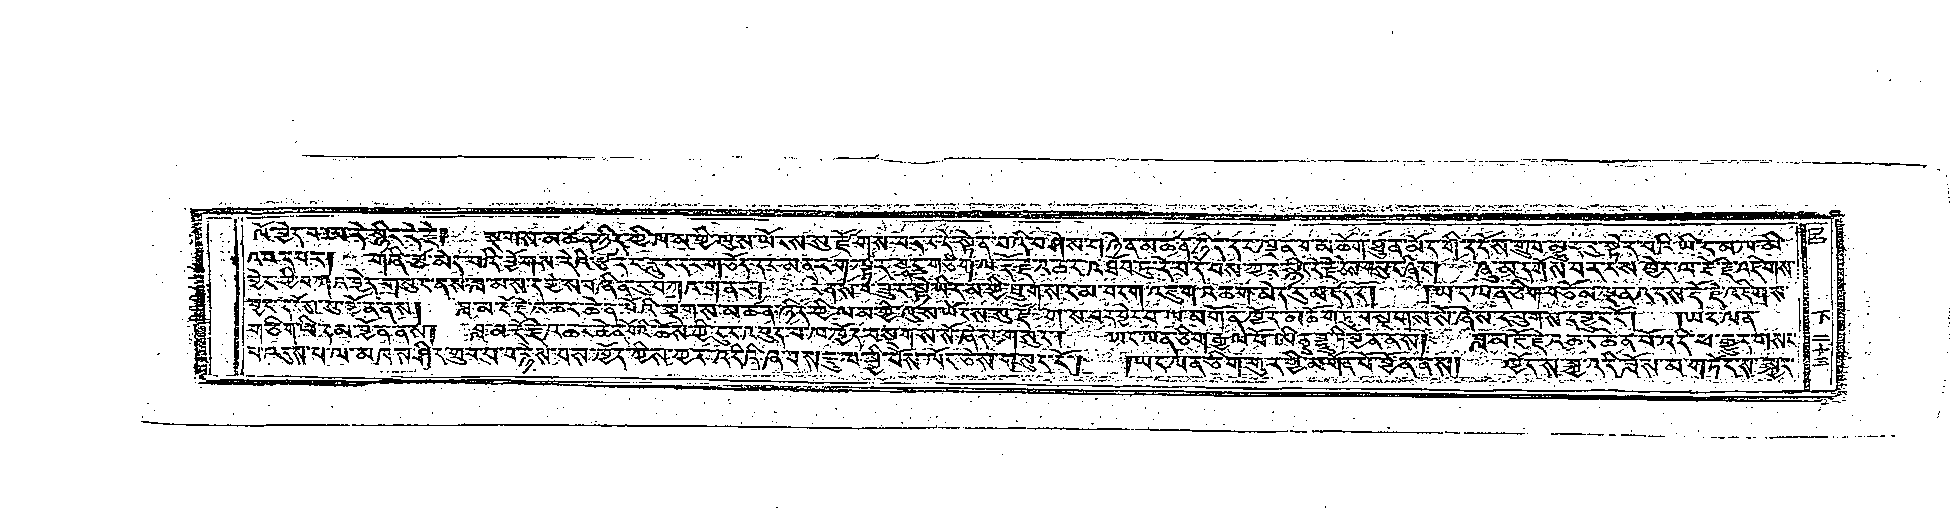ལོ་བྱེད་པ་ཨ་རེ་སྙིང་རེ་རྗེ། སྔགས་མཚན་ཉིད་ཀྱི་ལམ་གྱི་ལུས་ཡོངས་སུ་རྫོགས་པ་དང་དེ་སྟེན་བའི་བཤེས་གཉེན་མཚན་ཉིད་དང་ལྡན་བ་མཆོག་ཐུན་མོང་གི་དངོས་གྲུབ་མྱུར་དུ་སྟེར་བའི་ཡི་དམ་ལ་མི་
འབད་པར། གཞི་རྩ་མེད་བའི་ཕྱོགས་རེའི་རྩ་དང་རླུང་དང་གཅོད་དང་མན་ངག་ལྟར་སྣང་གཅིག་ལ་རྡོ་རྗེ་འཆང་འཐོབ་ཏུ་རེ་བ་དེ་བས་ཀྱང་སྙིང་རེ་རྗེ་ཅེས་གསུང་ཞིང་། ཞུ་མ་དགོས་པར་ངས་ཁྱེད་ལ་རྡོ་རྗེ་འཇིགས་
བྱེད་ཀྱི་བཀའ་བྱེད་གསུང་ནས་བླ་མས་དགྱེས་བཞིན་དུ་བཀའ་གནང་། དེ་ནས་བཟུང་སྟེ་ཡི་དམ་གྱི་ཐུགས་དམ་བདག་འཇུག་འཆག་མེད་དུ་མཛད་དོ། །ཡང་ལན་ཅིག་བཅོམ་ལྡན་འདས་རྡོ་རྗེ་འཇིགས་
བྱད་དངོས་སུ་བྱོན་ནས། བླ་མ་རྡོ་རྗེ་འཆང་ཆེན་པོའི་སྔགས་མཚན་ཉིད་ཀྱི་ལམ་གྱི་ལུས་ཡོངས་སུ་རྫོགས་བར་བྱེད་པ་ཡ་མགོན་ཁྱོད་མཆོག་ཏུ་བསྔགས་སོ་ཞེས་དབུགས་དབྱུང་ངོ། །ཡང་ལན་
གཅིག་ཡི་དམ་བྱོན་ནས། བླ་མ་རྡོ་རྗེ་འཆང་ཆེན་པོའི་ཆོས་ཀྱི་དུད་འབུད་པ་ཁ་ཁྱོད་བསྔགས་སོ་ཞེས་གསུང་། ཡང་ལན་ཅིག་རྒྱལ་པོ་ཨིནྡྲ་བྷཱུ་ཏི་བྱོན་ནས། བླ་མ་རྡོ་རྗེ་འཆང་ཆེན་པོ་འདི་ཕ་རྒྱུད་གསང་
བ་འདུས་པ་ལ་མཁས་ཤིང་གྲུབ་པ་བརྙེས་བས་ཁྱོད་ཀྱིས་ཀྱང་འདིའི་ཞབས་རྡུལ་སྤྱི་བོས་ལོང་ཅེས་གསུང་ངོ། །ཡང་ལན་ཅིག་གུར་གྱི་མགོན་པོ་བྱོན་ནས། ཁྱོད་ས་སྐྱ་འདི་བློས་མ་གཏོངས་སྐྱར་